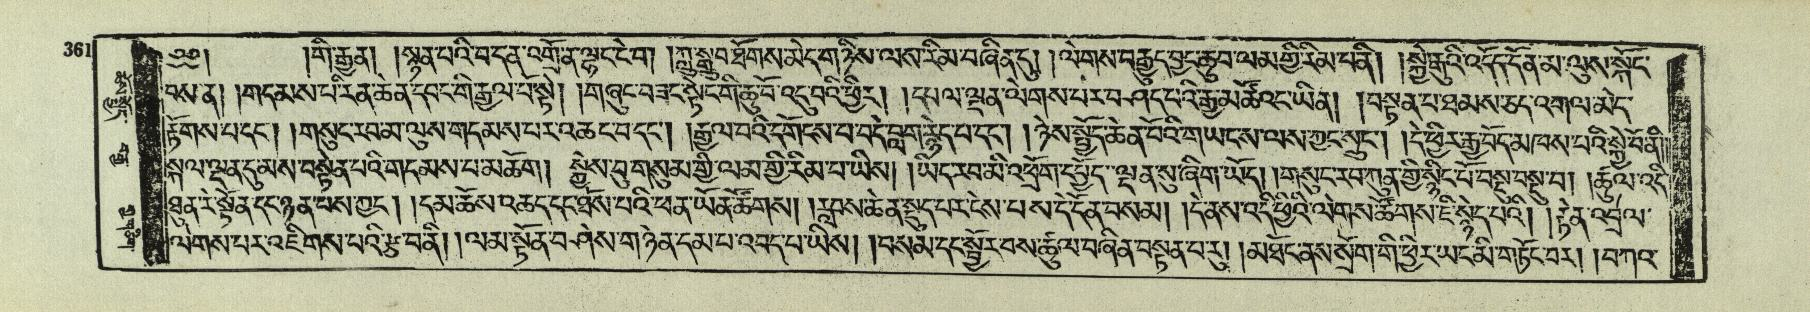༄༅། །གི་རྒྱན། །སྙན་པའི་བ་དན་འགྲོ་ན་ལྷང་ངེ་བ། །ཀླུ་སྒྲུབ་ཐོགས་མེད་གཉིས་ལས་རིམ་བཞིན་དུ། །ལེགས་བརྒྱུད་བྱང་ཆུབ་ལམ་གྱི་རིམ་པ་ནི། །སྐྱེ་རྒུའི་འདོད་དོན་མ་ལུས་སྐོང་
བས་ན། །གདམས་པ་རིན་ཆེན་དབང་གི་རྒྱལ་པོ་སྟེ། །གཞུང་བཟང་སྟེང་གི་ཆུ་བོ་འདུ་བའི་ཕྱིར། །དཔལ་ལྡན་ལེགས་པར་བཤད་པའི་རྒྱ་མཚོའང་ཡིན། །བསྟན་པ་ཐམས་ཅད་འགལ་མེད་
རྟོགས་པ་དང་། །གསུང་རབ་མ་ལུས་གདམས་པར་འཆང་བ་དང་། །རྒྱལ་བའི་དགོངས་པ་བདེ་བླག་རྙེད་པ་དང་། །ཉེས་སྤྱོད་ཆེན་པོའི་གཡང་ས་ལས་ཀྱང་སྲུང་། །དེ་ཕྱིར་རྒྱ་བོད་མཁས་པའི་སྐྱེ་བོ་ནི།།
སྐལ་ལྡན་དུ་མས་བསྟེན་པའི་གདམས་པ་མཆོག། སྐྱེས་བུ་གསུམ་གྱི་ལམ་གྱི་རིམ་པ་ཡིས། །ཡིད་རབ་མི་འཕྲོག་དཔྱོད་ལྡན་སུ་ཞིག་ཡོད། །གསུང་རབ་ཀུན་གྱི་སྙིང་པོ་བསྡུ་བསྡུ་བ། །ཚུལ་འདི་
ཐུན་རེ་སྟོན་དང་ཉན་པས་ཀྱང་། །དམ་ཆོས་འཆད་དང་ཐོས་པའི་ཕན་ཡོན་ཚོགས། །རླབས་ཆེན་སྡུད་པར་ངེས་པས་དེ་དོན་བསམ། །དེ་ནས་འདི་ཕྱིའི་ལེགས་ཚོགས་ཇི་སྙེད་པའི། །རྟེན་འབྲེལ་
ལེགས་པར་འཇིགས་པའི་རྩ་བ་ནི། །ལམ་སྟོན་བཤེས་གཉེན་དམ་པ་འབད་པ་ཡིས། །བསམ་དང་སྦྱོར་བས་ཚུལ་བཞིན་བསྟན་པ་རུ། །མཐོང་ནས་སྲོག་གི་ཕྱིར་ཡང་མི་གཏོང་བར། །བཀའ་